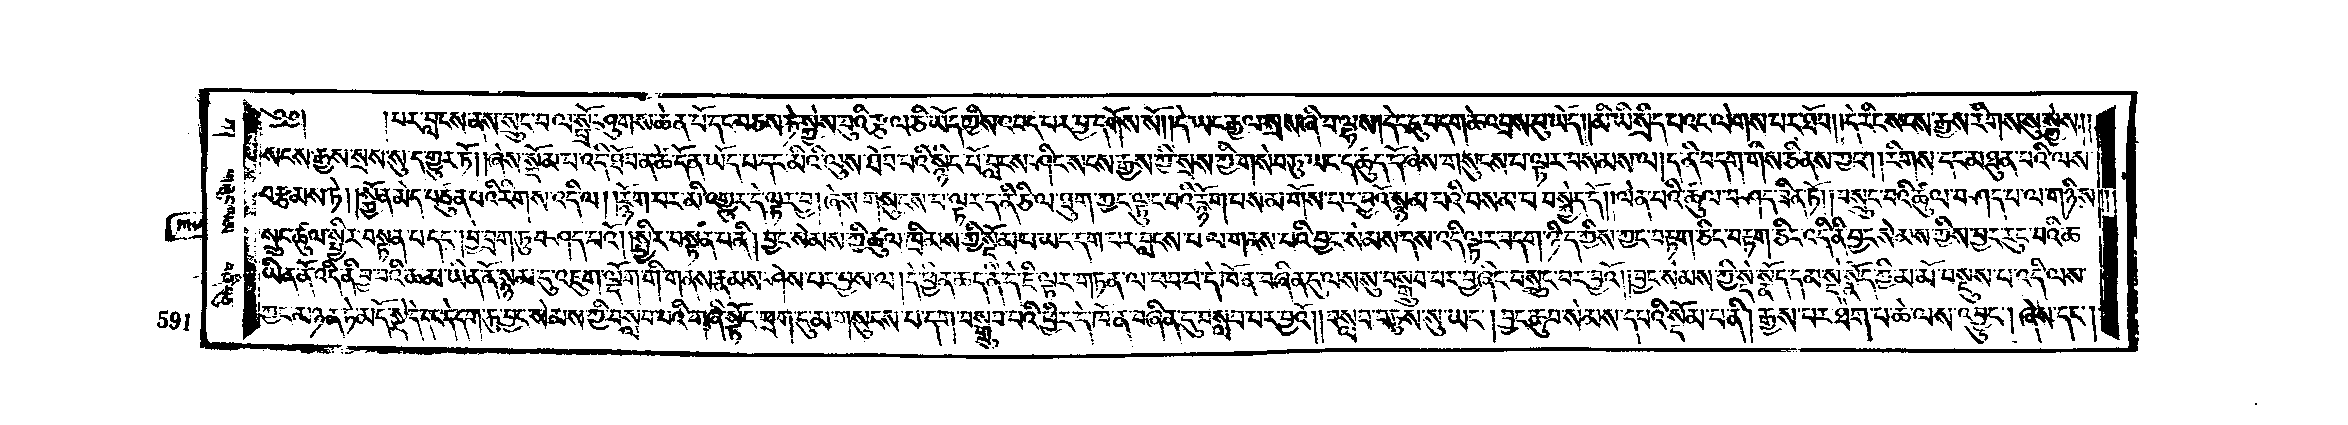༄༅། །པར་བླངས་ནས་སྲུང་བ་ལ་སྤྲོ་ཤུགས་ཆེན་པོ་དང་བཅས་ཏེ་སྐྱེས་བུའི་རྩལ་ཅི་ཡོད་ཀྱིས་འབད་པར་བྱ་དགོས་སོ། །དེ་ཡང་རྒྱལ་སྲས་ཞི་བ་ལྷས། དེང་དུ་བདག་ཆེ་འབྲས་བུ་ཡོད། །མི་ཡི་སྲིད་པའང་ལེགས་པར་ཐོབ། །དེ་རིང་སངས་རྒྱས་རིགས་སུ་སྐྱེས།།
སངས་རྒྱས་སྲས་སུ་ད་གྱུར་ཏོ། །ཞེས་སྡོམ་པ་འདི་ཐོབ་ན་ཚེ་དོན་ཡོད་པ་དང་མིའི་ལུས་ཐོབ་པའི་སྙིང་པོ་བླངས་ཤིང་སངས་རྒྱས་ཀྱི་སྲས་ཀྱི་གསེབ་ཏུ་ཡང་དེ་ཚུད་དོ་ཞེས་གསུངས་པ་ལྟར་བསམས་ལ། ད་ནི་བདག་གིས་ཅི་ནས་ཀྱང་། །རིགས་དང་མཐུན་པའི་ལས་
བརྩམས་ཏེ། །སྐྱོན་མེད་བཙུན་པའི་རིགས་འདི་ལ། །རྙོག་པར་མི་འགྱུར་དེ་ལྟར་བྱ། ཞེས་གསུངས་པ་ལྟར་ད་ནི་ཅི་ལ་ཐུག་ཀྱང་ལྟུང་བའི་རྙོག་བསམ་གོས་པར་བྱའོ་སྙམ་པའི་བསམ་པ་བསྐྱེད་དོ། །ལེན་པའི་ཚུལ་བཤད་ཟིན་ཏོ། །བསྲུང་བའི་ཚུལ་བཤད་པ་ལ་གཉིས་
སྲུང་ཚུལ་སྤྱིར་བསྟན་པ་དང་། བྱེ་བྲག་ཏུ་བཤད་པའོ། །སྤྱིར་བསྟན་པ་ནི། བྱང་སེམས་ཀྱི་ཚུལ་ཁྲིམས་ཀྱི་སྡོམ་པ་ཡང་དག་པར་བླངས་པ་ལ་གནས་པའི་བྱང་སེམས་དེས་འདི་ལྟར་བདག་ཉིད་ཀྱིས་ཀྱང་བརྟག་ཅིང་བརྟག་ཅིང་འདི་ནི་བྱང་སེམས་ཀྱིས་བྱར་རུང་བའི་ཆ་
ཡིན་ནོ་འདི་ནི་བྱ་བའི་ཆ་མ་ཡིན་ནོ་སྙམ་དུ་འཇུག་ལྡོག་གི་གནས་རྣམས་ཤེས་པར་བྱས་ལ། དེ་ཕྱིན་ཆད་ནི་དེ་ཇི་ལྟར་གཏན་ལ་ཕབ་པ་དེ་ཁོ་ན་བཞིན་དུ་ལས་སུ་བསྒྲུབ་པར་བྱ་ཞིང་བསྲུང་བར་བྱའོ། །བྱང་སེམས་ཀྱི་སྡེ་སྣོད་དམ་སྡེ་སྣོད་ཀྱི་མ་མོ་བསྡུས་པ་འདི་ལས་
ཀྱང་མཉན་ཏེ་མདོ་སྡེ་དེ་དང་དེ་དག་ཏུ་བྱང་སེམས་ཀྱི་བསླབ་པའི་གཞི་སྟོང་ཕྲག་དུ་མ་གསུངས་པ་དག་བསྒྲུབ་པའི་ཕྱིར་དེ་ཁོ་ན་བཞིན་དུ་བསླབ་པར་བྱའོ། །བསླབ་བཏུས་སུ་ཡང་། བྱང་ཆུབ་སེམས་དཔའི་སྡོམ་པ་ནི། རྒྱས་པར་ཐེག་པ་ཆེ་ལས་འབྱུང་། ཞེས་དང་།